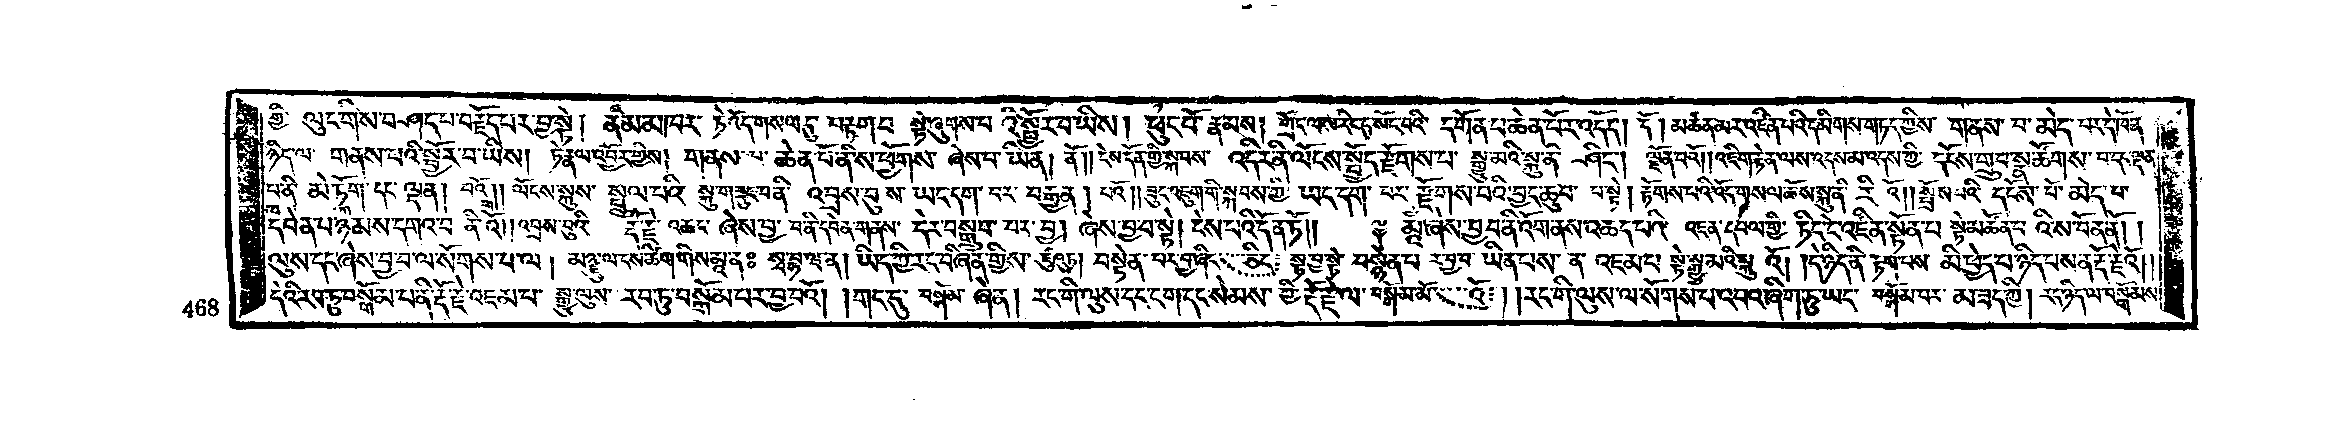གྱི་ལུང་གིས་བཤད་པ་བརྗོད་པར་བྱ་སྟེ། ནམ་མཁར་ཏེ་འོད་གསལ་དུ་བརྟག་པ་སྟེ་ཞུགས་པའི་སྦྱོར་བ་ཡིས། ༡་ཕུང་པོ་རྣམས། ༤་གྲེང་ལས་རིང་དུ་སོང་བའི་དགོན་པ་ཆེན་པོར་འདོད། དོ། མཚན་མར་འཛིན་པའི་དམིགས་གཏད་ཀྱིས་གནས་པ་མེད་པར་དེ་ཁོ་ན་
ཉིད་ལ་གནས་པའི་སྦྱོར་བ་ཡིས། ཏེ་རྣལ་འབྱོར་གྱིས།  གནས་པ་ཆེན་པོ་ནི་ས་ཕྱོགས་ཞེས་པ་ཡིན། ནོ། །ངེས་དོན་གྱི་སྐབས་འདིར་ནི་ལོངས་སྤྱོད་རྫོགས་པ་སྒྱུ་མའི་སྐུ་ནི་ཤིང་། ལྗོན་པའོ། ། འཇིག་རྟེན་ལས་འདས་མ་འདས་ཀྱི་དངོས་གྲུབ་སྣ་ཚོགས་པ་དང་ལྡན་
པ་ནི་མེ་ཏོག་དང་ལྡན། པའོ། །ལོངས་སྐུས་སྤྲུལ་པའི་སྐུ་གཟུང་བ ༣་ནི་འབྲས་བུས་ཡང་དག་པར་བརྒྱན། པའོ། །ཟུང་འཇུག་གི་སྐབས་ཀྱི་ཡང་དག་པར་རྫོགས་པའི་བྱང་ཆུབ་པ་སྟེ། རྟོགས་པའི་འོད་གསལ་ཆོས་སྐུ་ནི་རིའོ། །སྤྲོས་པའི་དངོས་པོ་མེད་པ་
ཁ་དབེན་པ་ཀ་ཉམས་དགའ་བ་ནི་ག་འོ། །འབྲས་བུའི་རྡོ་རྗེ་འཆང་ཞེས་བྱ་བ་ནི་དབེན་གནས་དེར་བསྒྲུབ་པར་བྱ། ཞེས་བྱ་བ་སྟེ། ངེས་པའི་དོན་ཏོ།། ༈ ༤་མཱ་ཞེས་བྱ་བ་ནི་འོག་ནས་འཆད་པའི་འཇམ་དཔལ་གྱི་ཏིང་ངེ་འཛིན་སྟོན་པ་སྟེ་མཚོན་པའི་ས་བོན་ནོ།།
ལུས་དང་ཞེས་བྱ་བ་ལ་སོགས་པ་ལ། མཉྫུ་ལ་ངེས་ཚིག་གིས་མཱ་ནཿ་སྭ་བྷ་ཝ་ན། ཡིད་ཀྱི་རང་བཞིན་གྱིས་ཛུ་ཥུཏ། བསྟེན་པར་བྱ་ཞིང་ཅིང་སྟ་བྱ་སྟེ་བསྙེན་པར་བྱ་བ་ཡིན་པས་ན་འཇམ་པ་སྟེ་སྒྱུ་མའི་སྐུའོ། །དེ་ཉིད་ནི་རྟག་པས་མི་ཕྱེད་པ་ཉིད་པས་ན་རྡོ་རྗེའོ།།
དེའི་རབ་ཏུ་བསྒོམ་པ་ནི་རྡོ་རྗེ་འཇམ་པ་སྒྱུ་ལུས་རབ་ཏུ་བསྒོམ་པར་བྱ་བའོ། །གང་དུ་བསྒོམ་ཞེ་ན། རང་གི་ལུས་དང་ངག་དང་སེམས་ཀྱི་རྡོ་རྗེ་ལ་བསྒོམ་མོ་འོ། །རང་གི་ལུས་ལ་སོགས་པ་འབའ་ཞིག་ཏུ་ཡང་བསྒོམ་པར་མ་ཟད་ཀྱི། རང་ཉིད་ལ་བསྒོམས་